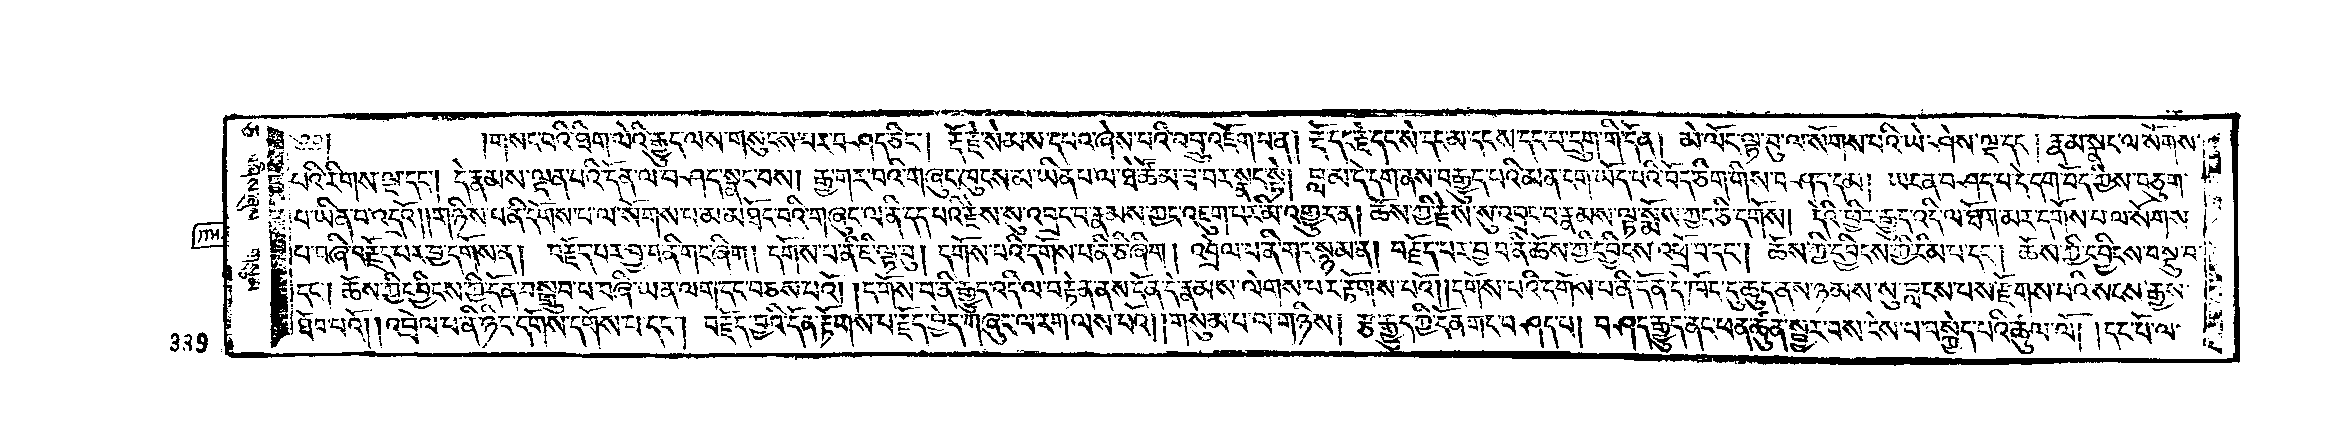༄༅། །གསང་བའི་ཐིག་ལེའི་རྒྱུད་ལས་གསུངས་པར་བཤད་ཅིང་། རྡོ་རྗེ་སེམས་དཔའ་ཞེས་པའི་འབྲུ་འཇོག་པ་ན། རྡོ་དང་རྗེ་དང་སེ་དང་མ་དང་ས་དང་པ་དྲུག་གི་དོན། མེ་ལོང་ལྟ་བུ་ལ་སོགས་པའི་ཡེ་ཤེས་ལྔ་དང་། རྣམ་སྣང་ལ་སོགས་
པའི་རིགས་ལྔ་དང་། དེ་རྣམས་ལྡན་པའི་དོན་ལ་བཤད་སྣང་བས། རྒྱ་གར་བའི་གཞུང་ཁུངས་མ་ཡིན་པ་ལ་ཐེ་ཚོམ་ཟ་བར་སྣང་སྟེ། བླ་མ་དེ་དག་ནས་བརྒྱུད་པའི་མན་ངག་ཡོད་པའི་བོད་ཅིག་གིས་བཤད་དམ། ཡང་ན་བཤད་པ་དེ་དག་བོད་ཀྱིས་བཅུག་
པ་ཡིན་པ་འདྲའོ། །གཉིས་པ་ནི་དགོས་པ་ལ་སོགས་པ་མ་མཐོང་བའི་གཞུང་ལ་ནི་དད་པའི་རྗེས་སུ་འབྲང་བ་རྣམས་ཀྱང་འཇུག་པར་མི་འགྱུར་ན། ཆོས་ཀྱི་རྗེས་སུ་འབྲང་བ་རྣམས་ལྟ་སྨོས་ཀྱང་ཅི་དགོས། དེའི་ཕྱིར་རྒྱུད་འདི་ལ་ཐོག་མར་དགོས་པ་ལ་སོགས་
པ་བཞི་བརྗོད་པར་བྱ་དགོས་ན། བརྗོད་པར་བྱ་བ་ནི་གང་ཞིག །དགོས་པ་ནི་ཇི་ལྟ་བུ། དགོས་པའི་དགོས་པ་ནི་ཅི་ཞིག །འབྲེལ་པ་ནི་གང་སྙམ་ན། བརྗོད་པར་བྱ་བ་ནི་ཆོས་ཀྱི་དབྱིངས་འཕྲོ་བ་དང་། ཆོས་ཀྱི་དབྱིངས་ཀྱི་རིམ་པ་དང་། ཆོས་ཀྱི་དབྱིངས་བསྡུ་བ་
དང་། ཆོས་ཀྱི་དབྱིངས་ཀྱི་དོན་བསྒྲུབ་པ་བཞི་ཡན་ལག་དང་བཅས་པའོ། །དགོས་པ་ནི་རྒྱུད་འདི་ལ་བརྟེན་ནས་དོན་དེ་རྣམས་ལེགས་པར་རྟོགས་པའོ། །དགོས་པའི་དགོས་པ་ནི་དོན་དེ་ཁོང་དུ་ཆུད་ནས་ཉམས་སུ་བླངས་པས་རྫོགས་པའི་སངས་རྒྱས་
ཐོབ་པའོ། །འབྲེལ་པ་ནི་ཉིད་དགོས་དགོས་པ་དང་། བརྗོད་བྱའི་དོན་རྟོགས་པ་རྗོད་བྱེད་གཞུང་ལ་རག་ལས་པའོ། །གསུམ་པ་ལ་གཉིས། རྩ་རྒྱུད་ཀྱི་དོན་གང་བཤད་པ། བཤད་རྒྱུད་ནང་ཕན་ཚུན་སྦྱར་བས་ངེས་པ་བསྐྱེད་པའི་ཚུལ་ལོ། །དང་པོ་ལ་